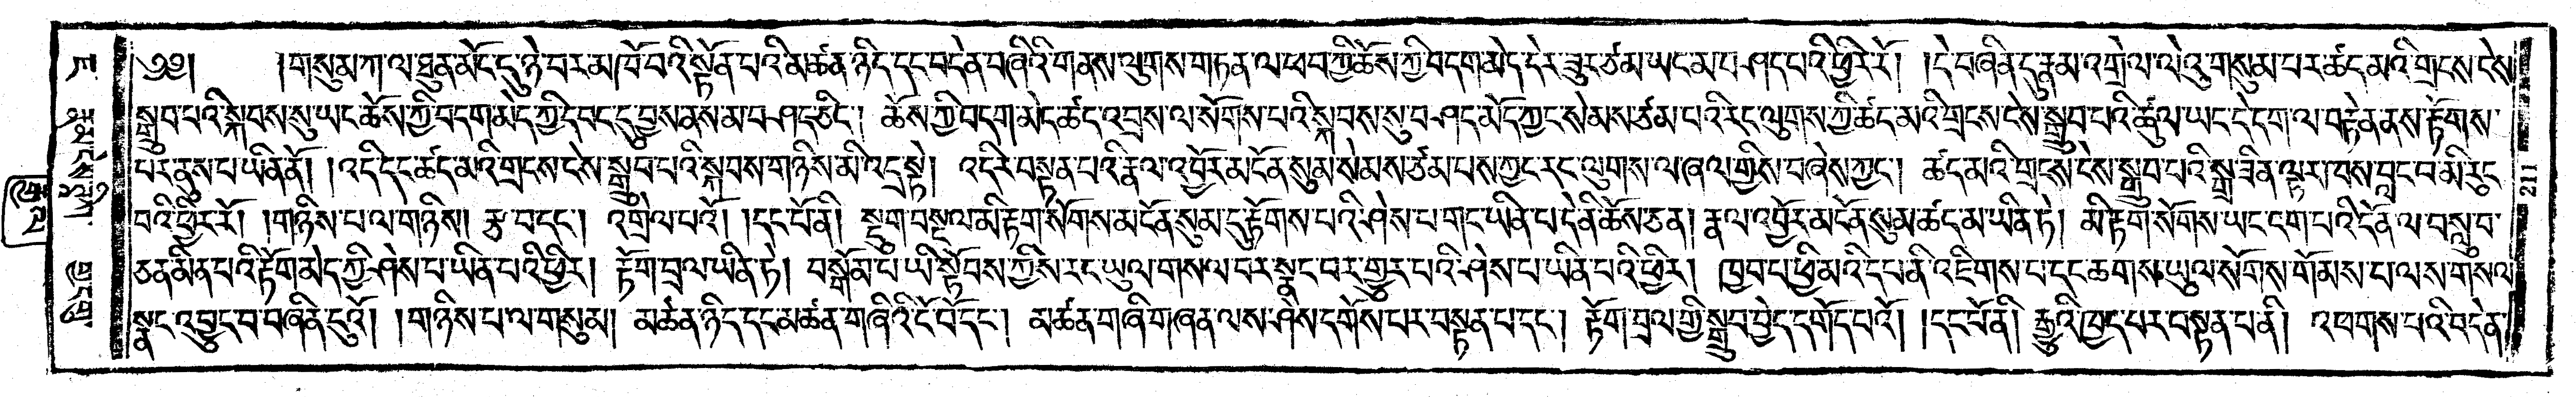༄༅། །གསུམ་ཀ་ལ་ཐུན་མོང་དུ་ཉེ་བར་མཁོ་བའི་སྟོན་པའི་མཚན་ཉིད་དང་བདེན་བཞིའི་གནས་ལུགས་གཏན་ལ་ཕབ་ཀྱི་ཆོས་ཀྱི་བདག་མེད་དེར་ཟུར་ཙམ་ཡང་མ་བཤད་པའི་ཕྱིར་རོ། །དེ་བཞིན་དུ་རྣམ་འགྲེལ་ལེའུ་གསུམ་པར་ཚད་མའི་གྲངས་ངེས་
སྒྲུབ་པའི་སྐབས་སུ་ཡང་ཆོས་ཀྱི་བདག་མེད་ཀྱི་དབང་དུ་བྱས་ནས་མ་བཤད་ཅིང་། ཆོས་ཀྱི་བདག་མེད་ཚད་འབྲས་ལ་སོགས་པའི་སྐབས་སུ་བཤད་མོད་ཀྱང་སེམས་ཙམ་པའི་རང་ལུགས་ཀྱི་ཚད་མའི་གྲངས་ངེས་སྒྲུབ་པའི་ཚུལ་ཡང་དེ་དག་ལ་བརྟེན་ནས་རྟོགས་
པར་ནུས་པ་ཡིན་ནོ། །འདི་དང་ཚད་མའི་གྲངས་ངེས་སྒྲུབ་པའི་སྐབས་གཉིས་མི་འདྲ་སྟེ། འདིར་བསྟན་པའི་རྣལ་འབྱོར་མངོན་སུམ་སེམས་ཙམ་པས་ཀྱང་རང་ལུགས་ལ་ཞལ་གྱིས་བཞེས་ཀྱང་། ཚད་མའི་གྲངས་ངེས་སྒྲུབ་པའི་སྒྲ་ཟིན་ལྟར་ཁས་བླང་བ་མི་རུང་
བའི་ཕྱིར་རོ། །གཉིས་པ་ལ་གཉིས། རྩ་བ་དང་། འགྲེལ་པའོ། །དང་པོ་ནི། སྡུག་བསྔལ་མི་རྟག་སོགས་མངོན་སུམ་དུ་རྟོགས་པའི་ཤེས་པ་གང་ཡིན་པ་དེ་ནི་ཆོས་ཅན། རྣལ་འབྱོར་མངོན་སུམ་ཚད་མ་ཡིན་ཏེ། མི་རྟག་སོགས་ཡང་དག་པའི་དོན་ལ་བསླུ་བ་
ཅན་མིན་པའི་རྟོག་མེད་ཀྱི་ཤེས་པ་ཡིན་པའི་ཕྱིར། རྟོག་བྲལ་ཡིན་ཏེ། བསྒོམ་པ་ཡི་སྟོབས་ཀྱིས་རང་ཡུལ་གསལ་བར་སྣང་བར་གྱུར་པའི་ཤེས་པ་ཡིན་པའི་ཕྱིར། ཁྱབ་པ་ཕྱི་མའི་དཔེ་?་ནི་འཇིགས་པ་དང་ཆགས་ཡུལ་སོགས་གོམས་པ་ལས་གསལ་
སྣང་འབྱུང་བ་བཞིན་དུའོ། །གཉིས་པ་ལ་གསུམ། མཚན་ཉིད་དང་མཚན་གཞིའི་ངོ་བོ་དང་། མཚན་གཞི་གཞན་ལས་ཤེས་དགོས་པར་བསྟན་པ་དང་། རྟོག་བྲལ་གྱི་སྒྲུབ་བྱེད་དགོད་པའོ། །དང་པོ་ནི། རྒྱུའི་ཁྱད་པར་བསྟན་པ་ནི། འཕགས་པའི་བདེན་